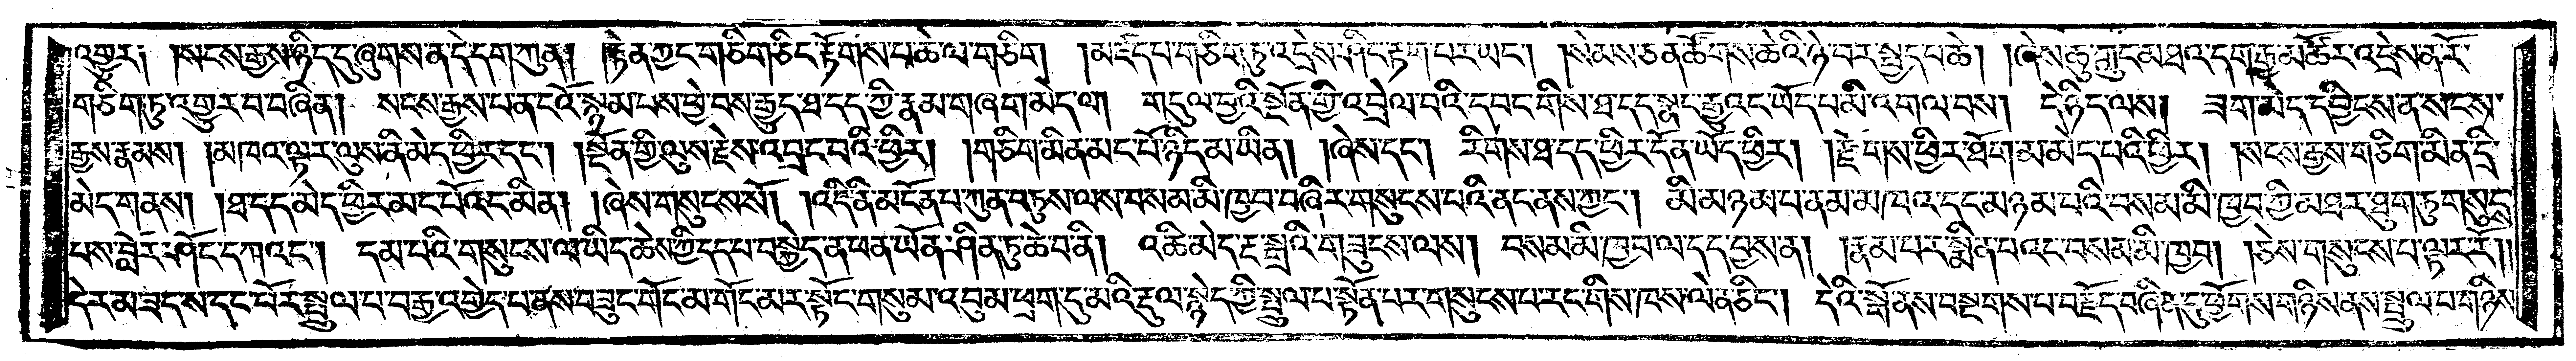འགྱུར༑ །སངས་རྒྱས་ཉིད་དུ་ཞུགས་ན་དེ་དག་ཀུན། །རྟེན་ཀྱང་གཅིག་ཅིང་རྟོགས་པ་ཆེ་ལ་གཅིག །མཛད་པ་གཅིག་ཏུ་འདྲེས་ཤིང་རྟག་པར་ཡང་། །སེམས་ཅན་ཚོགས་ཆེའི་ཉེ་བར་སྤྱད་པ་ཆེ། །ཞེས་ཆུ་ཀླུང་མཐའ་དག་རྒྱ་མཚོར་འདྲེས་ན་རོ་
གཅིག་ཏུ་འགྱུར་བ་བཞིན། སངས་རྒྱས་པ་ན་ངའོ་སྙམ་པས་ཕྱེ་བས་རྒྱུད་ཐ་དད་ཀྱི་རྣམ་གཞག་མེད་ལ། གདུལ་བྱའི་སྔོན་གྱི་འབྲེལ་བའི་དབང་གིས་ཐ་དད་སྣང་རྒྱུའང་ཡོད་པ་མི་འགལ་བས། དེ་ཉིད་ལས། ཟག་མེད་དབྱིངས་ན་སངས་
རྒྱས་རྣམས། །མཁའ་ལྟར་ལུས་ནི་མེད་ཕྱིར་དང་། །སྔོན་གྱི་ལུས་རྗེས་འབྲང་བའི་ཕྱིར། །གཅིག་མིན་མང་པོ་ཉིད་མ་ཡིན། །ཞེས་དང་། རིགས་ཐ་དད་ཕྱིར་དོན་ཡོད་ཕྱིར། །རྫོགས་ཕྱིར་ཐོག་མ་མེད་བའི་ཕྱིར། །སངས་རྒྱས་གཅིག་མིན་དྲི་
མེད་གནས། །ཐ་དད་མེད་ཕྱིར་མང་པོའང་མིན། །ཞེས་གསུངས་སོ། །འདི་ནི་མངོན་པ་ཀུན་བཏུས་ལས་བསམ་མི་ཁྱབ་བཞིར་གསུངས་བའི་ནང་ནས་ཀྱང་། མི་མཉམ་པ་ནམ་མཁའ་དང་མཉམ་པའི་བསམ་མི་ཁྱབ་ཀྱི་མཐར་ཐུག་ཏུ་གསུངས་
པས་བློར་ཤོང་དཀའང་། དམ་པའི་གསུངས་ལ་ཡིད་ཆེས་ཀྱི་དད་པ་བསྐྱེད་ན་ཕན་ཡོན་ཤིན་ཏུ་ཆེ་བ་ནི། འཆི་མེད་རྔ་སྒྲའི་གཟུངས་ལས། བསམ་མི་ཁྱབ་ལ་དད་བྱས་ན། །རྣམ་པར་སྨིན་པའང་བསམ་མི་ཁྱབ། །ཅེས་གསུངས་པ་ལྟར་རོ། །
དེར་མ་ཟད་ས་དང་པོར་སྤྲུལ་པ་བརྒྱ་འགྱེད་པ་ནས་བཟུང་གོང་མ་གོང་མར་སྟོང་གསུམ་འབུམ་ཕྲག་དུ་མའི་རྡུལ་སྙེད་ཀྱི་སྤྲུལ་པ་སྟོན་པར་གསུངས་བ་རང་གིས་ཁས་ལེན་ཅིང་། དེའི་སྒོ་ནས་བསྔགས་པ་བརྗོད་བཞིན་དུ་ཕྱོགས་གཉིས་ནས་སྤྲུལ་པ་གཉིས་